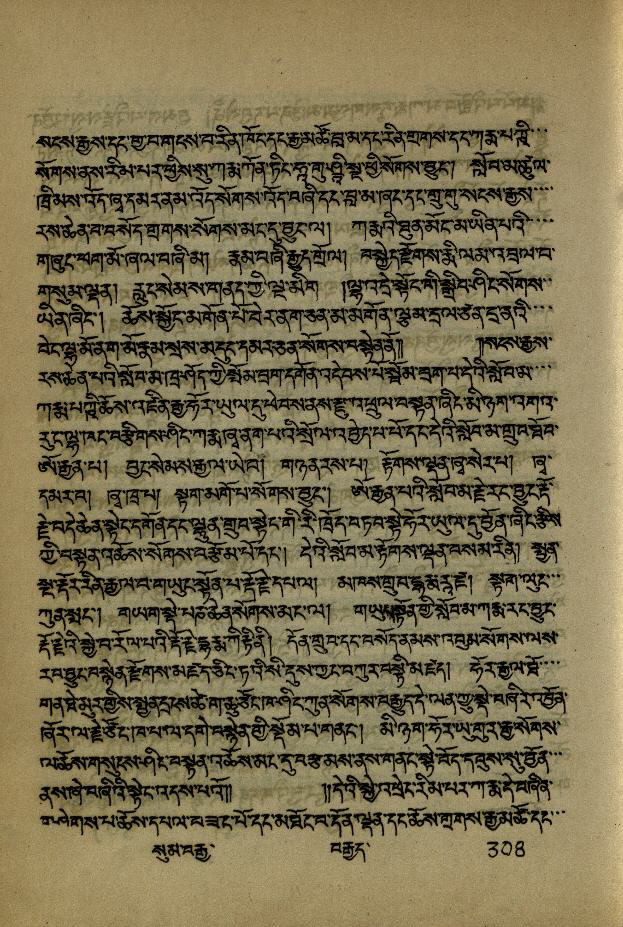སངས་རྒྱས་དང་གྱ་བ་གངས་བ་རིན་ཁོང་དང་རྒྱ་མཚོ་བླ་མ་དང་རིན་གྲགས་དང་ཀརྨ་པཀྵི་
སོགས་ནས་རིམ་པར་ཕྱིས་སུ་ཀརྨ་ཀོན་ཏིང་ཧཱ་གུ་ཤྲཱི་སྔ་ཕྱི་སོགས་བྱུང་། སློབ་མ་ཚུལ་
ཁྲིམས་འོད་ཞྭ་དམར་ནམ་འོད་སོགས་འོད་བཞི་དང་བླ་མ་ཞང་དང་གྲུ་གུ་སངས་རྒྱས་
རས་ཆེན་བ་བསོད་གྲགས་སོགས་མང་དུ་བྱུང་ལ། ཀརྨའི་ཐུན་མོང་མ་ཡིན་པའི་
གཞུང་ཕག་མོ་ཞལ་བཞི་མ། རྣམ་བཞི་རྒྱུད་གྲོལ། བསྐྱེད་རྫོགས་རྨི་ལམ་འབྲལ་བ་
གསུམ་ལྡན། རླུང་སེམས་གནད་ཀྱི་ལྔ་མིག །ལྷ་འདྲེ་སྟོང་གི་སྒྲིབ་ཤིང་སོགས་
ཡིན་ཞིང་། ཆོས་སྐྱོང་མགོན་པོ་བེར་ནག་ཅན་མ་མགོན་ལྕམ་དྲལ་ཙན་དྲ་ནའི་
བེང་ལྷ་མོ་ནག་མོ་རྣམ་སྲས་མདུང་དམར་ཅན་སོགས་བསྟེན་ནོ།། །།སངས་རྒྱས་
རས་ཆེན་པའི་སློབ་མ་ཁྲ་ཤོད་ཀྱི་སྦོམ་བྲག་དགོན་འདེབས་པ་སྦོམ་བྲག་པ་དེའི་སློབ་མ་
ཀརྨ་པཀྵི་ཆོས་འཛིན་རྒྱ་ཧོར་ཡུལ་དུ་ཕེབས་ནས་རྫུ་འཕྲུལ་བསྟན་ཞིང་མི་ཉག་འགའ་
རུང་ལྷ་ཁང་བརྩིགས་ཤིང་ཀརྨ་ཞྭ་ནག་པའི་སྲོལ་འབྱེད་པ་པོ་དང་དེའི་སློབ་མ་གྲུབ་ཐོབ་
ཨོ་རྒྱན་པ། བྱང་སེམས་རྒྱལ་ཡེ་བ། གཉན་རས་པ། རྟོགས་ལྡན་ཞྭ་སེར་པ། ཞྭ་
དམར་བ། ཞྭ་ཁྲ་པ། སྟག་མགོ་པ་སོགས་བྱུང་། ཨོ་རྒྱན་པའི་སློབ་མ་རྗེ་རང་བྱུང་རྡོ་
རྗེ་བདེ་ཆེན་སྟེང་དགོན་དང་ལྷུན་གྲུབ་སྟེང་གི་རི་ཁྲོད་བཏབ་སྟེ་ཧོར་ཡུལ་དུ་བྱོན་ཞིང་རྩིས་
ཀྱི་བསྟན་འཆོས་སོགས་བརྩོམ་པོ་དང་། དེའི་སློབ་མ་རྟོགས་ལྡན་བསམ་རིན། སྤྱན་
སྔ་རྡོར་རིན་རྒྱལ་བ་གཡུང་སྟོན་པ་རྡོ་རྗེ་དཔལ། མཁས་གྲུབ་དྷརྨཱ་རཱ་ཛ། སྟག་ལུང་
ཀུན་སྤང་། གཡག་སྡེ་པཎ་ཆེན་སོགས་མང་ལ། གཡུང་སྟོན་གྱི་སློབ་མ་ཀརྨ་རང་བྱུང་
རྡོ་རྗེའི་སྐྱེ་བ་རོལ་པའི་རྡོ་རྗེ་དྷརྨ་ཀིརྟི་ནི། དོན་གྲུབ་དང་བསོད་ནམས་འབུམ་སོགས་ལས་
རབ་བྱུང་བསྙེན་རྫོགས་མཛད་ཅིང་ཏའི་སི་དུས་ཀྱང་བཀུར་བསྟི་མཛད། ཧོར་རྒྱལ་ཐོ་
གན་ཐེ་མུར་གྱིས་སྤྱན་དྲངས་ཚེ་ག་ཆུ་ཙོང་ཁ་ཤིང་ཀུན་སོགས་བརྒྱུད་དེ་ལན་ཀྱུ་སྡེ་བཞིར་འབྱོན་
ཞོར་ལ་རྗེ་ཙོང་ཁ་པ་ལ་དགེ་བསྙེན་གྱི་སྡོམ་པ་གནང་། མི་ཉག་ཧོར་ཡུ་གུར་རྒྱ་སོགས་
ལ་ཆོས་གསུངས་ཤིང་བསྟན་འཆོས་མང་དུ་བརྩམས་ནས་གནང་སྟེ་བོད་དབུས་སུ་བྱོན་
ནས་ཞེ་བཞིའི་སྟེང་འདས་པའོ།། །།དེའི་སྐྱེ་འཕྲེང་རིམ་པར་ཀརྨ་དེ་བཞིན་
གཤེགས་པ་ཆོས་དཔལ་བཟང་པོ་དང་མཐོང་བ་དོན་ལྡན་དང་ཆོས་གྲགས་རྒྱ་མཚོ་དང་